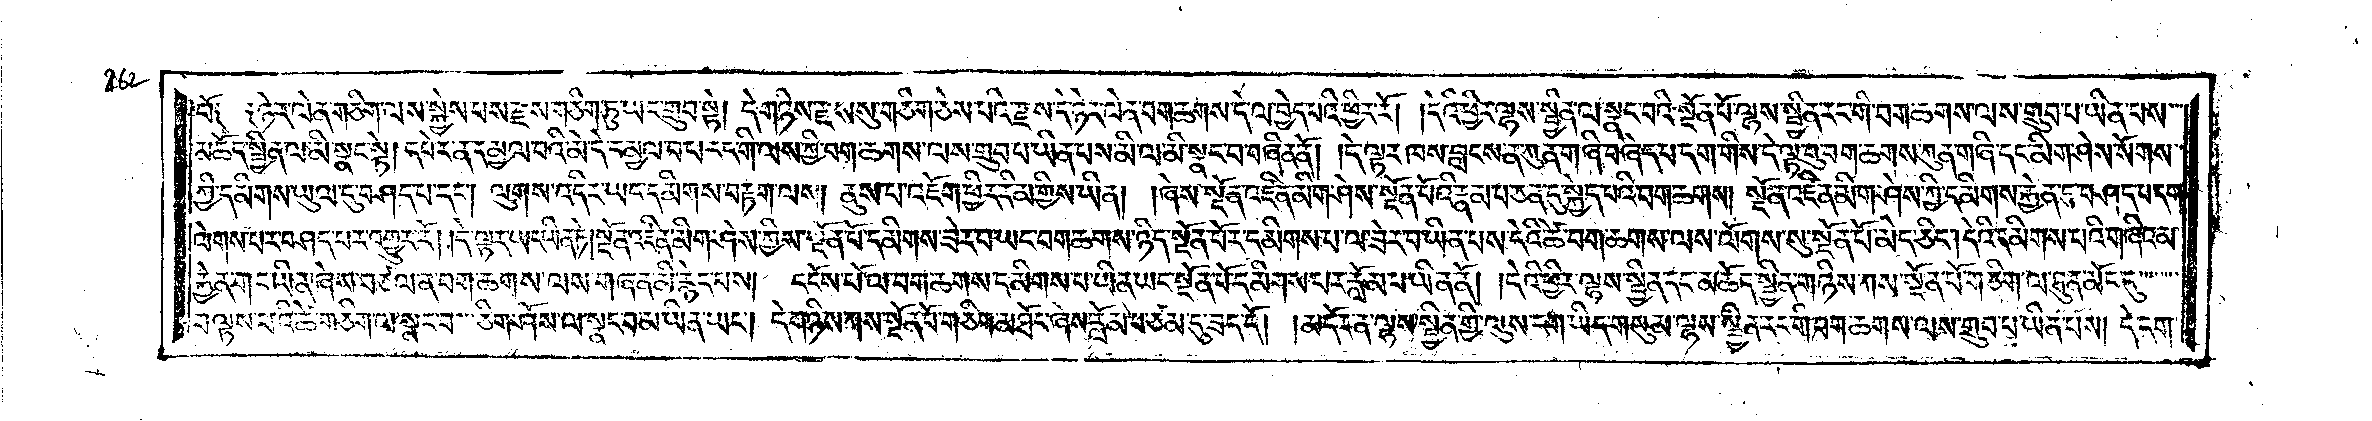བོ༑ ༑ཉེར་ལེན་གཅིག་ལས་སྐྱེས་པས་རྫས་གཅིག་ཏུ་ཡང་གྲུབ་སྟེ། དེ་གཉིས་རྫས་སུ་གཅིག་ཅེས་པའི་རྫས་དེ་ཉེར་ལེན་བག་ཆགས་དེ་ལ་བྱེད་པའི་ཕྱིར་རོ། །དེའི་ཕྱིར་ལྷས་སྦྱིན་ལ་སྣང་བའི་སྔོན་པོ་ལྷས་སྦྱིན་རང་གི་བག་ཆགས་ལས་གྲུབ་པ་ཡིན་པས་
མཆོད་སྦྱིན་ལ་མི་སྣང་སྟེ། དཔེར་ན་དམྱལ་བའི་མེ་དེ་དམྱལ་བ་པ་རང་གི་ལས་ཀྱི་བག་ཆགས་ལས་གྲུབ་པ་ཡིན་པས་མི་ལ་མི་སྣང་བ་བཞིན་ནོ། །དེ་ལྟར་ཁས་བླངས་ན་ཀུན་གཞི་བཞེད་པ་དག་གིས་དེ་ལྟ་བུ་བག་ཆགས་ཀུན་གཞི་དང་མིག་ཤེས་སོགས་
ཀྱི་དམིགས་ཡུལ་དུ་བཤད་པ་དང་། ལུགས་འདིར་ཡང་དམིགས་བརྟག་ལས། ནུས་པ་འཇོག་ཕྱིར་རིམ་གྱིས་ཡིན། །ཞེས་སྔོན་འཛིན་མིག་ཤེས་སྔོན་པོའི་རྣམ་པ་ཅན་དུ་སྐྱེད་པའི་བག་ཆགས། སྔོན་འཛིན་མིག་ཤེས་ཀྱི་དམིགས་རྐྱེན་དུ་བཤད་པ་དག་
ལེགས་པར་བཤད་པར་འགྱུར་རོ། །དེ་ལྟར་ཡང་ཡིན་ཏེ། སྔོན་འཛིན་མིག་ཤེས་ཀྱིས་སྔོན་པོ་དམིགས་ཟེར་བ་ཡང་བག་ཆགས་ཉིད་སྔོན་པོར་དམིགས་པ་ལ་ཟེར་བ་ཡིན་པས་དེའི་ཚེ་བག་ཆགས་ལས་ལོགས་སུ་སྔོན་པོ་མེད་ཅིང་། དེའི་དམིགས་པའི་གཞིའམ་
རྐྱེན་གང་ཡིན་ཞེས་བཙལ་ན་བག་ཆགས་ལས་གཞན་མི་རྙེད་པས། དངོས་པོ་ལ་བག་ཆགས་དམིགས་པ་ཡིན་ཡང་སྔོན་པོ་དམིགས་པར་རློམ་པ་ཡིན་ནོ། །དེའི་ཕྱིར་ལྷས་སྦྱིན་དང་མཆོད་སྦྱིན་གཉིས་ཀས་སྔོན་པོ་གཅིག་ལ་ཐུན་མོང་དུ་
བལྟས་པའི་ཚེ་གཅིག་ལ་སྣང་བ་ཅིག་ཤོས་ལ་སྣང་བ་མ་ཡིན་ཡང་། དེ་གཉིས་ཀས་སྔོན་པོ་གཅིག་མཐོང་ཞེས་རློམ་པ་ཙམ་དུ་ཟད་དོ། །མདོར་ན་ལྷས་སྦྱིན་གྱི་ལུས་ངག་ཡིད་གསུམ་ལྷས་སྦྱིན་རང་གི་བག་ཆགས་ལས་གྲུབ་པ་ཡིན་པས། དེ་དག་